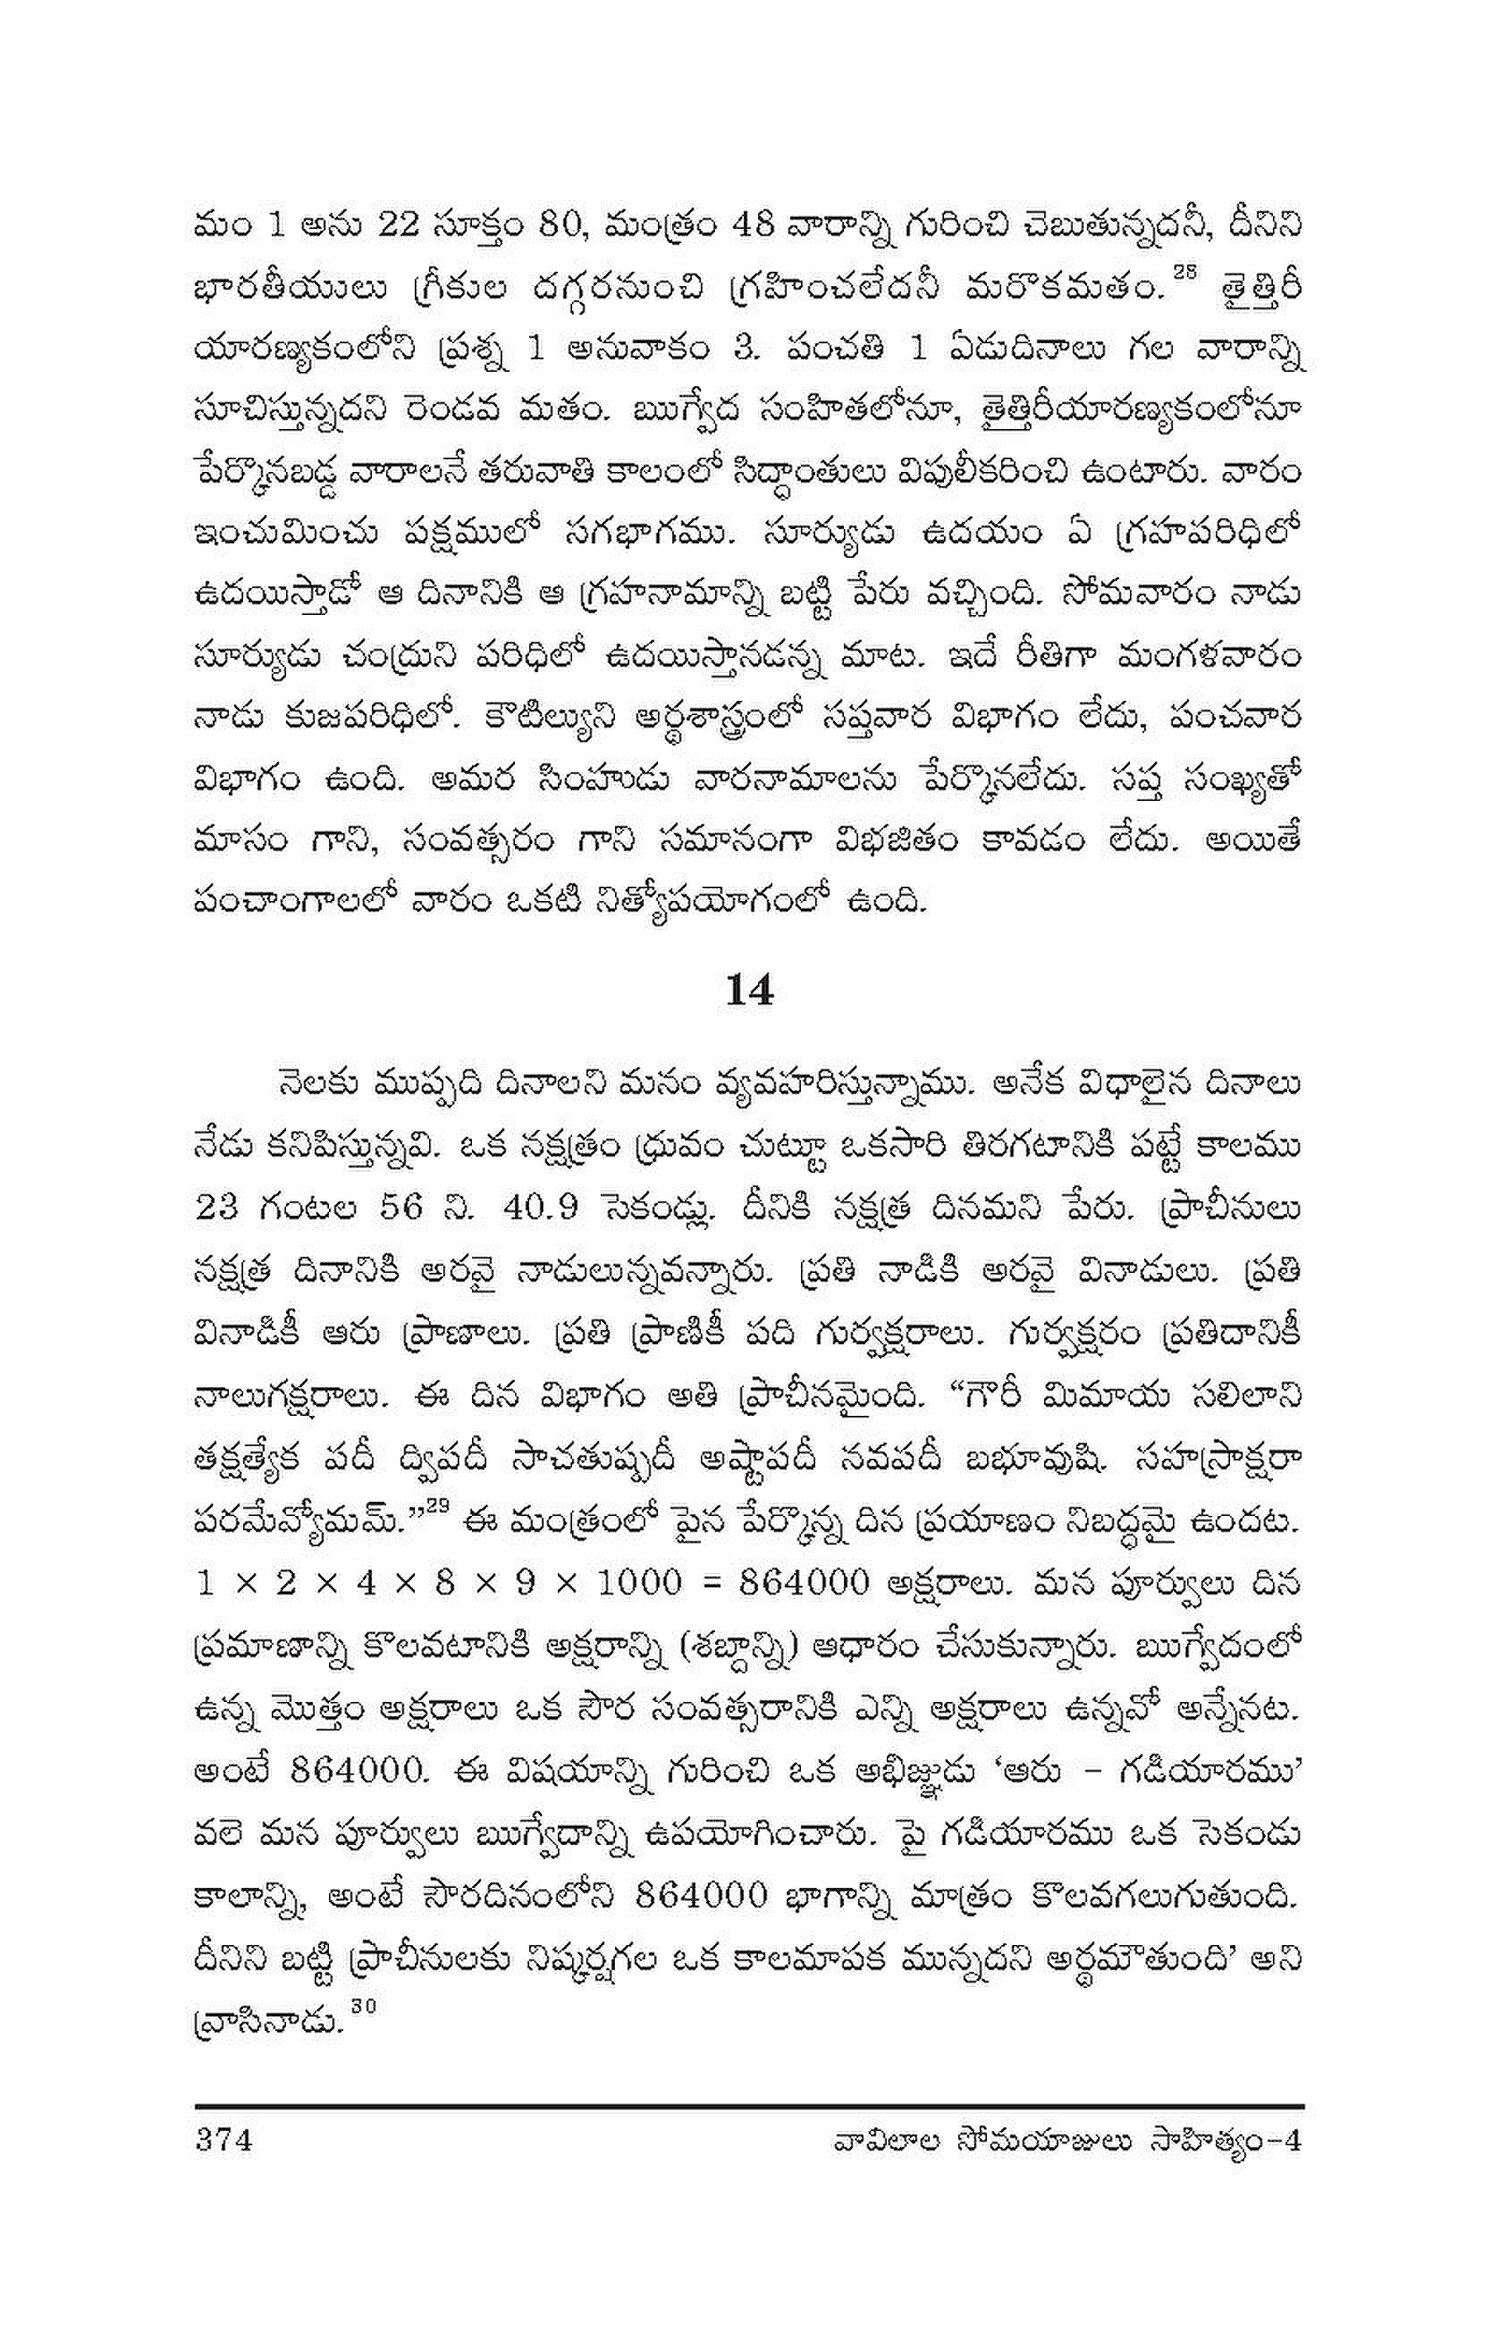మం 1 అను 22 సూక్తం 80, మంత్రం 48 వారాన్ని గురించి చెబుతున్నదనీ, దీనిని
భారతీయులు గ్రీకుల దగ్గరనుంచి గ్రహించలేదనీ మరొకమతం. తైత్తిరీ
యారణ్యకంలోని ప్రశ్న 1 అనువాకం 3. పంచతి 1 ఏడుదినాలు గల వారాన్ని
సూచిస్తున్నదని రెండవ మతం. ఋగ్వేద సంహితలోనూ, తైత్తిరీయారణ్యకంలోనూ
పేర్కొనబడ్డ వారాలనే తరువాతి కాలంలో సిద్ధాంతులు విపులీకరించి ఉంటారు. వారం
ఇంచుమించు పక్షములో సగభాగము. సూర్యుడు ఉదయం ఏ గ్రహపరిధిలో
ఉదయిస్తాడో ఆ దినానికి ఆ గ్రహనామాన్ని బట్టి పేరు వచ్చింది. సోమవారం నాడు
సూర్యుడు చంద్రుని పరిధిలో ఉదయిస్తానడన్న మాట. ఇదే రీతిగా మంగళవారం
నాడు కుజపరిధిలో. కౌటిల్యుని అర్థశాస్త్రంలో సప్తవార విభాగం లేదు, పంచవార
విభాగం ఉంది. అమర సింహుడు వారనామాలను పేర్కొనలేదు. సప్త సంఖ్యతో
మాసం గాని, సంవత్సరం గాని సమానంగా విభజితం కావడం లేదు. అయితే
పంచాంగాలలో వారం ఒకటి నిత్యోపయోగంలో ఉంది.

నెలకు ముప్పది దినాలని మనం వ్యవహరిస్తున్నాము. అనేక విధాలైన దినాలు
నేడు కనిపిస్తున్నవి. ఒక నక్షత్రం ధ్రువం చుట్టూ ఒకసారి తిరగటానికి పట్టే కాలము
23 గంటల 56 ని. 40.9 సెకండ్లు. దీనికి నక్షత్ర దినమని పేరు. ప్రాచీనులు
నక్షత్ర దినానికి అరవై నాడులున్నవన్నారు. ప్రతి నాడికి అరవై వినాడులు. ప్రతి
వినాడికీ ఆరు ప్రాణాలు. ప్రతి ప్రాణికీ పది గుర్వక్షరాలు. గుర్వక్షరం ప్రతిదానికీ
నాలుగక్షరాలు. ఈ దిన విభాగం అతి ప్రాచీనమైంది. "గౌరీ మిమాయ సలిలాని
తక్షత్యేక పదీ ద్విపదీ సాచతుష్పదీ అష్టాపదీ నవపదీ బభూవుషి. సహస్రాక్షరా
పరమేవ్యోమమ్." ఈ మంత్రంలో పైన పేర్కొన్న దిన ప్రయాణం నిబద్ధమై ఉందట.
1x2x4×8 × 9× 1000 = 864000 అక్షరాలు. మన పూర్వులు దిన
ప్రమాణాన్ని కొలవటానికి అక్షరాన్ని (శబ్దాన్ని) ఆధారం చేసుకున్నారు. ఋగ్వేదంలో
ఉన్న మొత్తం అక్షరాలు ఒక సౌర సంవత్సరానికి ఎన్ని అక్షరాలు ఉన్నవో అన్నేనట.
అంటే 864000. ఈ విషయాన్ని గురించి ఒక అభిజ్ఞుడు 'ఆరు గడియారము'
వలె మన పూర్వులు ఋగ్వేదాన్ని ఉపయోగించారు. పై గడియారము ఒక సెకండు
కాలాన్ని, అంటే సౌరదినంలోని 864000 భాగాన్ని మాత్రం కొలవగలుగుతుంది.
దీనిని బట్టి ప్రాచీనులకు నిష్కర్షగల ఒక కాలమాపక మున్నదని అర్థమౌతుంది' అని
వ్రాసినాడు.